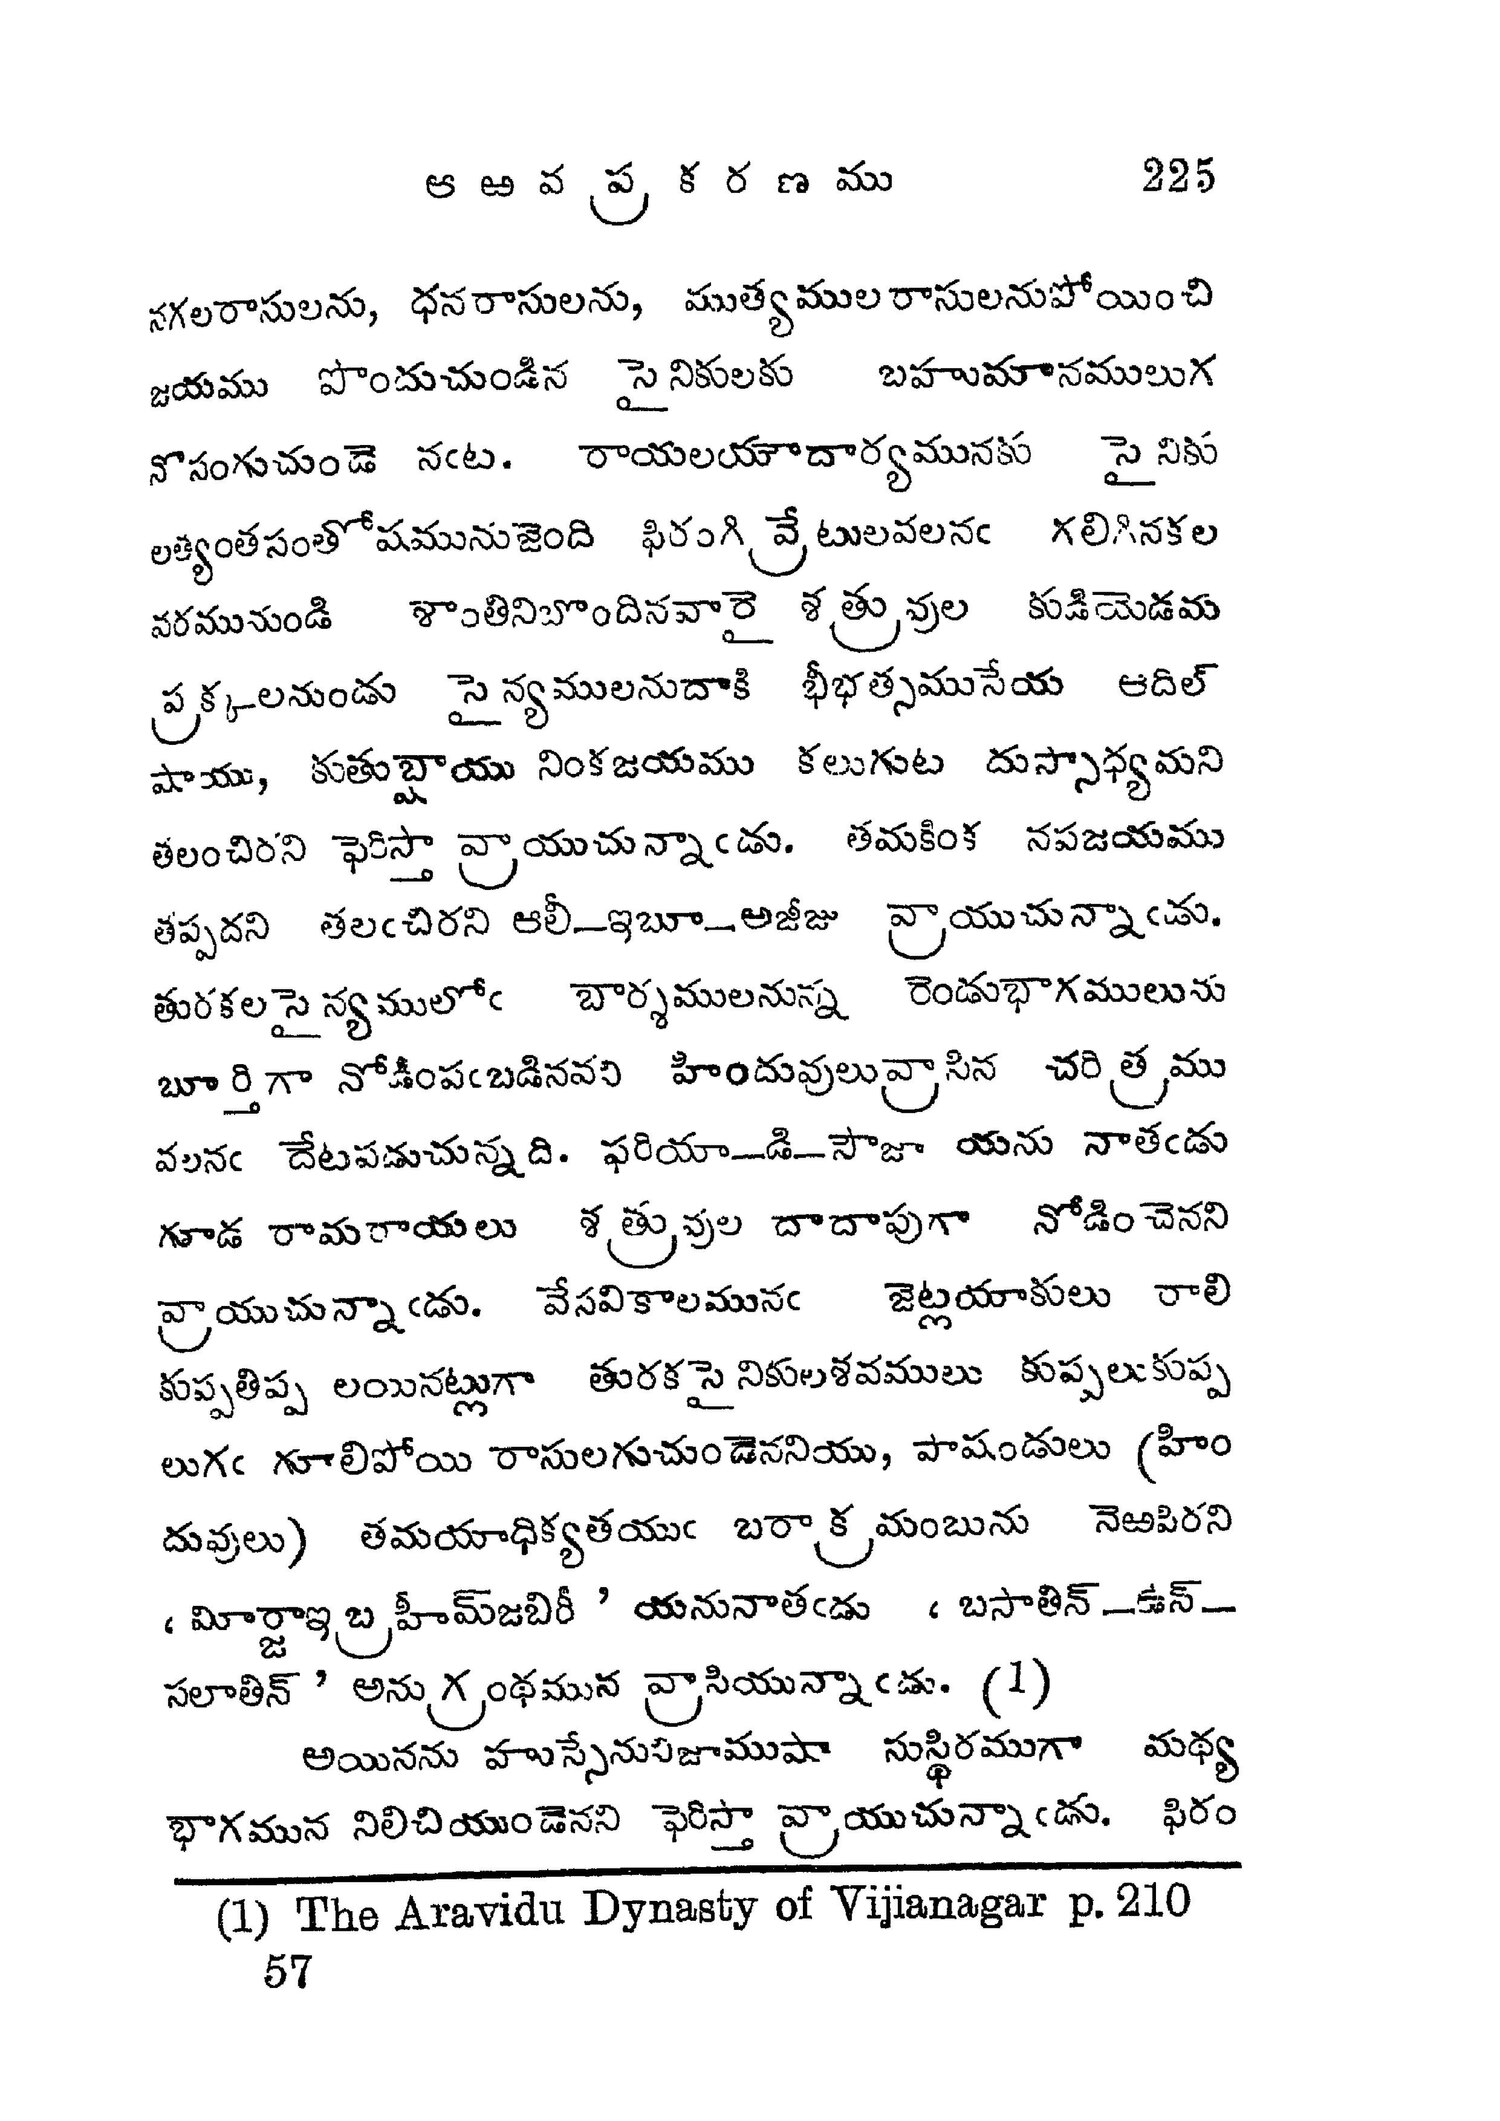నగలరాసులను, ధనరాసులను, ముత్యముల రాసులనుపోయించి జయము పొందుచుండిన సైనికులకు బహుమానములుగ నొసంగుచుండె నట. రాయలయౌదార్యమునకు సైనికులత్యంత సంతోషమునుజెంది ఫిరంగివ్రేటులవలన గలిగినకలవరమునుండి శాంతినిబొందినవారై శత్రువుల కుడియెడమ ప్రక్కలనుండు సైన్యములనుదాకి భీభత్సముసేయ ఆదిల్‌షాయు, కుతుబ్షాయు నింకజయము కలుగుట దుస్సాధ్యమని తలంచిరని ఫెరిస్తా వ్రాయుచున్నాడు. తమకింక నపజయము తప్పదని తలచిరని ఆలీ - ఇబూ - అజీజు వ్రాయుచున్నాడు. తురకలసైన్యములో బార్శములనున్న రెండుభాగములును బూర్తిగా నోడింపబడినవని హిందువులువ్రాసిన చరిత్రము వలన దేటపడుచున్నది. ఫరియా - డి - సౌజా యను నాతడు గూడ రామరాయలు శత్రువుల దాదాపుగా నోడించెనని వ్రాయుచున్నాడు. వేసవి కాలమున జెట్లయాకులు రాలి కుప్పతిప్ప లయినట్లుగా తురకసైనికులశవములు కుప్పలుకుప్పలుగ గూలిపోయి రాసులగుచుండెననియు, పాషండులు (హిందువులు) తమయాధిక్యతయు బరాక్రమంబును నెఱపిరని 'మీర్జాఇబ్రహీమ్‌జబిరీ' యనునాతడు 'బసాతిన్ - ఉస్ - సలాతిన్‌' అనుగ్రంథమున వ్రాసియున్నాడు. 

అయినను హుస్సేనునిజాముషా సుస్థిరముగా మధ్యభాగమున నిలిచియుండెనని ఫెరిస్తా వ్రాయు చున్నాడు. ఫిరం